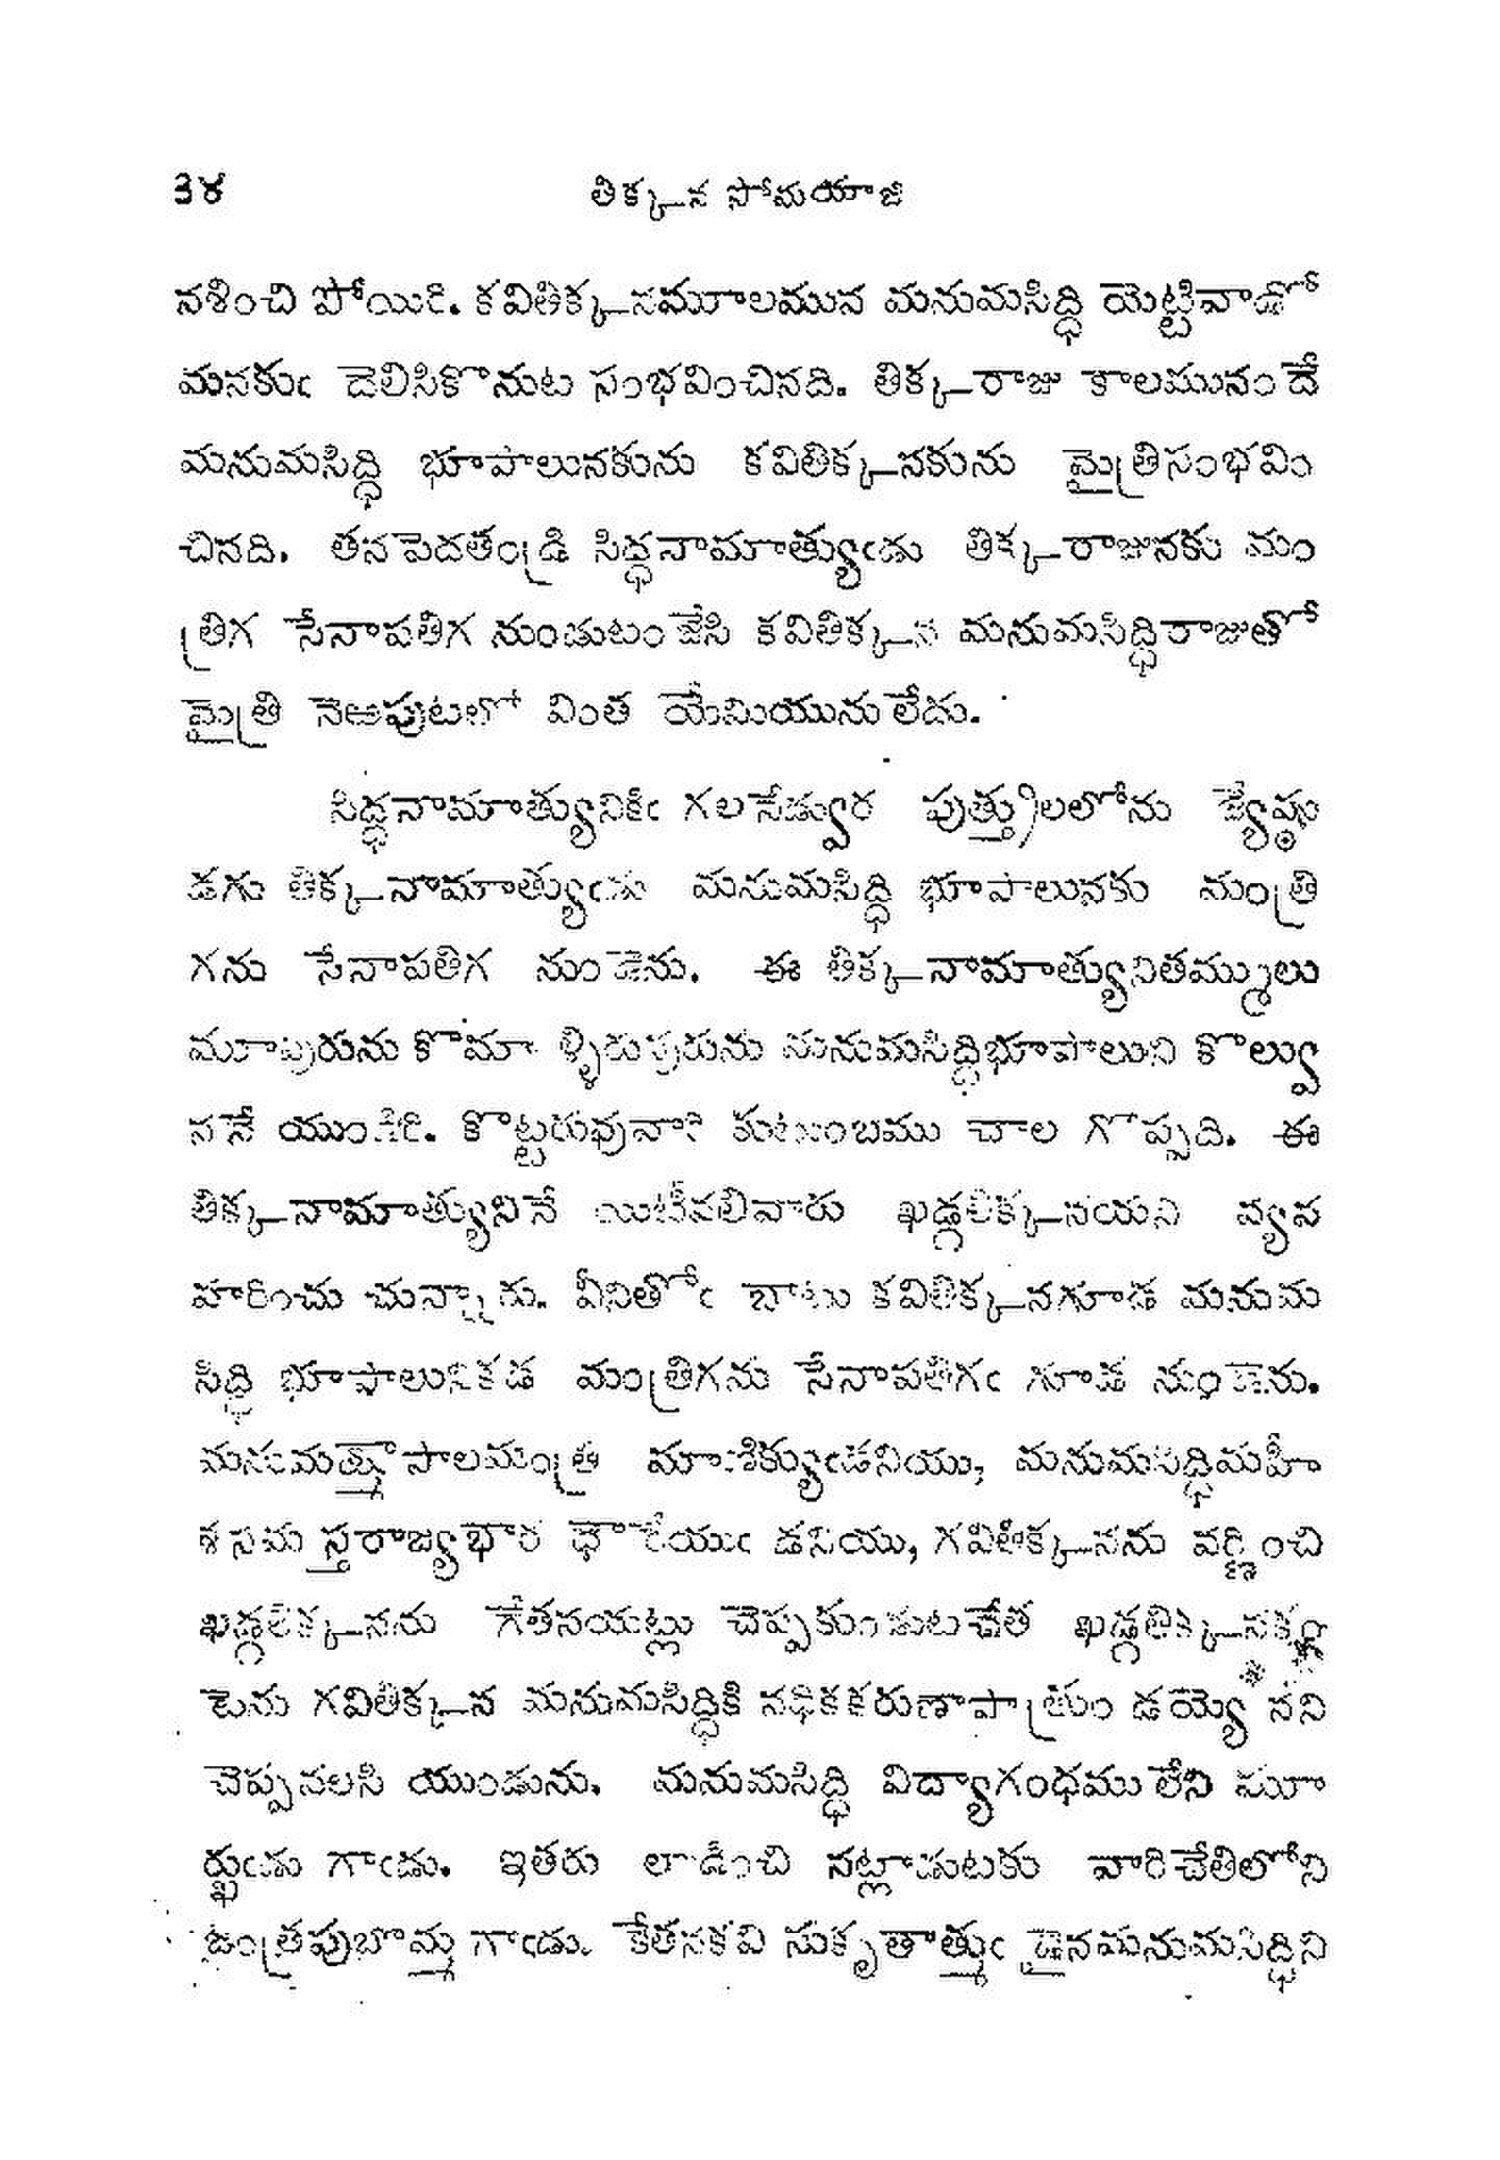నశించి పోయిరి. కవితిక్కనమూలమున మనుమసిద్ది యెట్టివాడో మనకుఁ దెలిసికొనుట సంభవించినది. తిక్కరాజు కాలమునందే మనుమసిద్ది భూపాలునకును కవితిక్కనకును మైత్రిసంభవించినది. తనపెదతండ్రి సిద్ధనామాత్యుఁడు తిక్కరాజునకు మంత్రిగ సేనాపతిగ నుండుటంజేసి కవితిక్కన మనుమసిద్దిరాజుతో మైత్రి నెఱపుటలో వింత యేమియునులేదు.

సిద్దనామాత్యునికి గల నేడ్వుర పుత్త్రులలోను జ్యేష్ఠుడగు తిక్కనామాత్యుఁడు మనుమసిద్ది భూపాలునకు మంత్రిగను సేనాపతిగ నుండెను. ఈ తిక్కనామాత్యునితమ్ములు
మూవురును కొమా ళ్ళిరువురును మనుమసిద్దిభూపాలుని కొల్వుననే యుండిరి. కొట్టరువువారి కుటుంబము చాల గొప్పది. ఈ తిక్కనామాత్యునినే యిటీవలివారు ఖడ్గతిక్కనయని వ్యవహరించు చున్నారు. వీనితోఁ బాటు కవితిక్కనగూడ మనుమసిద్ధి భూపాలునికడ మంత్రిగను సేనాపతిగఁ గూడ నుండెను. మనుమక్ష్మాసాలమంత్రి మాణిక్యుఁడనియు, మనుమసిద్దిమహీశ సమస్తరాజ్యభార ధౌరేయుఁ డనియు, గవితిక్కనను వర్ణించి ఖడ్గతిక్కనను గేతనయట్లు చెప్పకుండుటచేత ఖడ్గతిక్కనకంటెను గవితక్కన మనుమసిద్ధికి నథికకరుణాపాత్రుం డయ్యె నని చెప్పవలసి యుండును. మనుమసిద్ధి విద్యాగంధములేని మూర్ఖుఁడు గాఁడు. ఇతరు లాడించి నట్లాడుటకు వారిచేతిలోని జంత్రపుబొమ్మగాఁడు. కేతసకవి సుకృతాత్ముఁ డైనమనుమసిద్ధిని